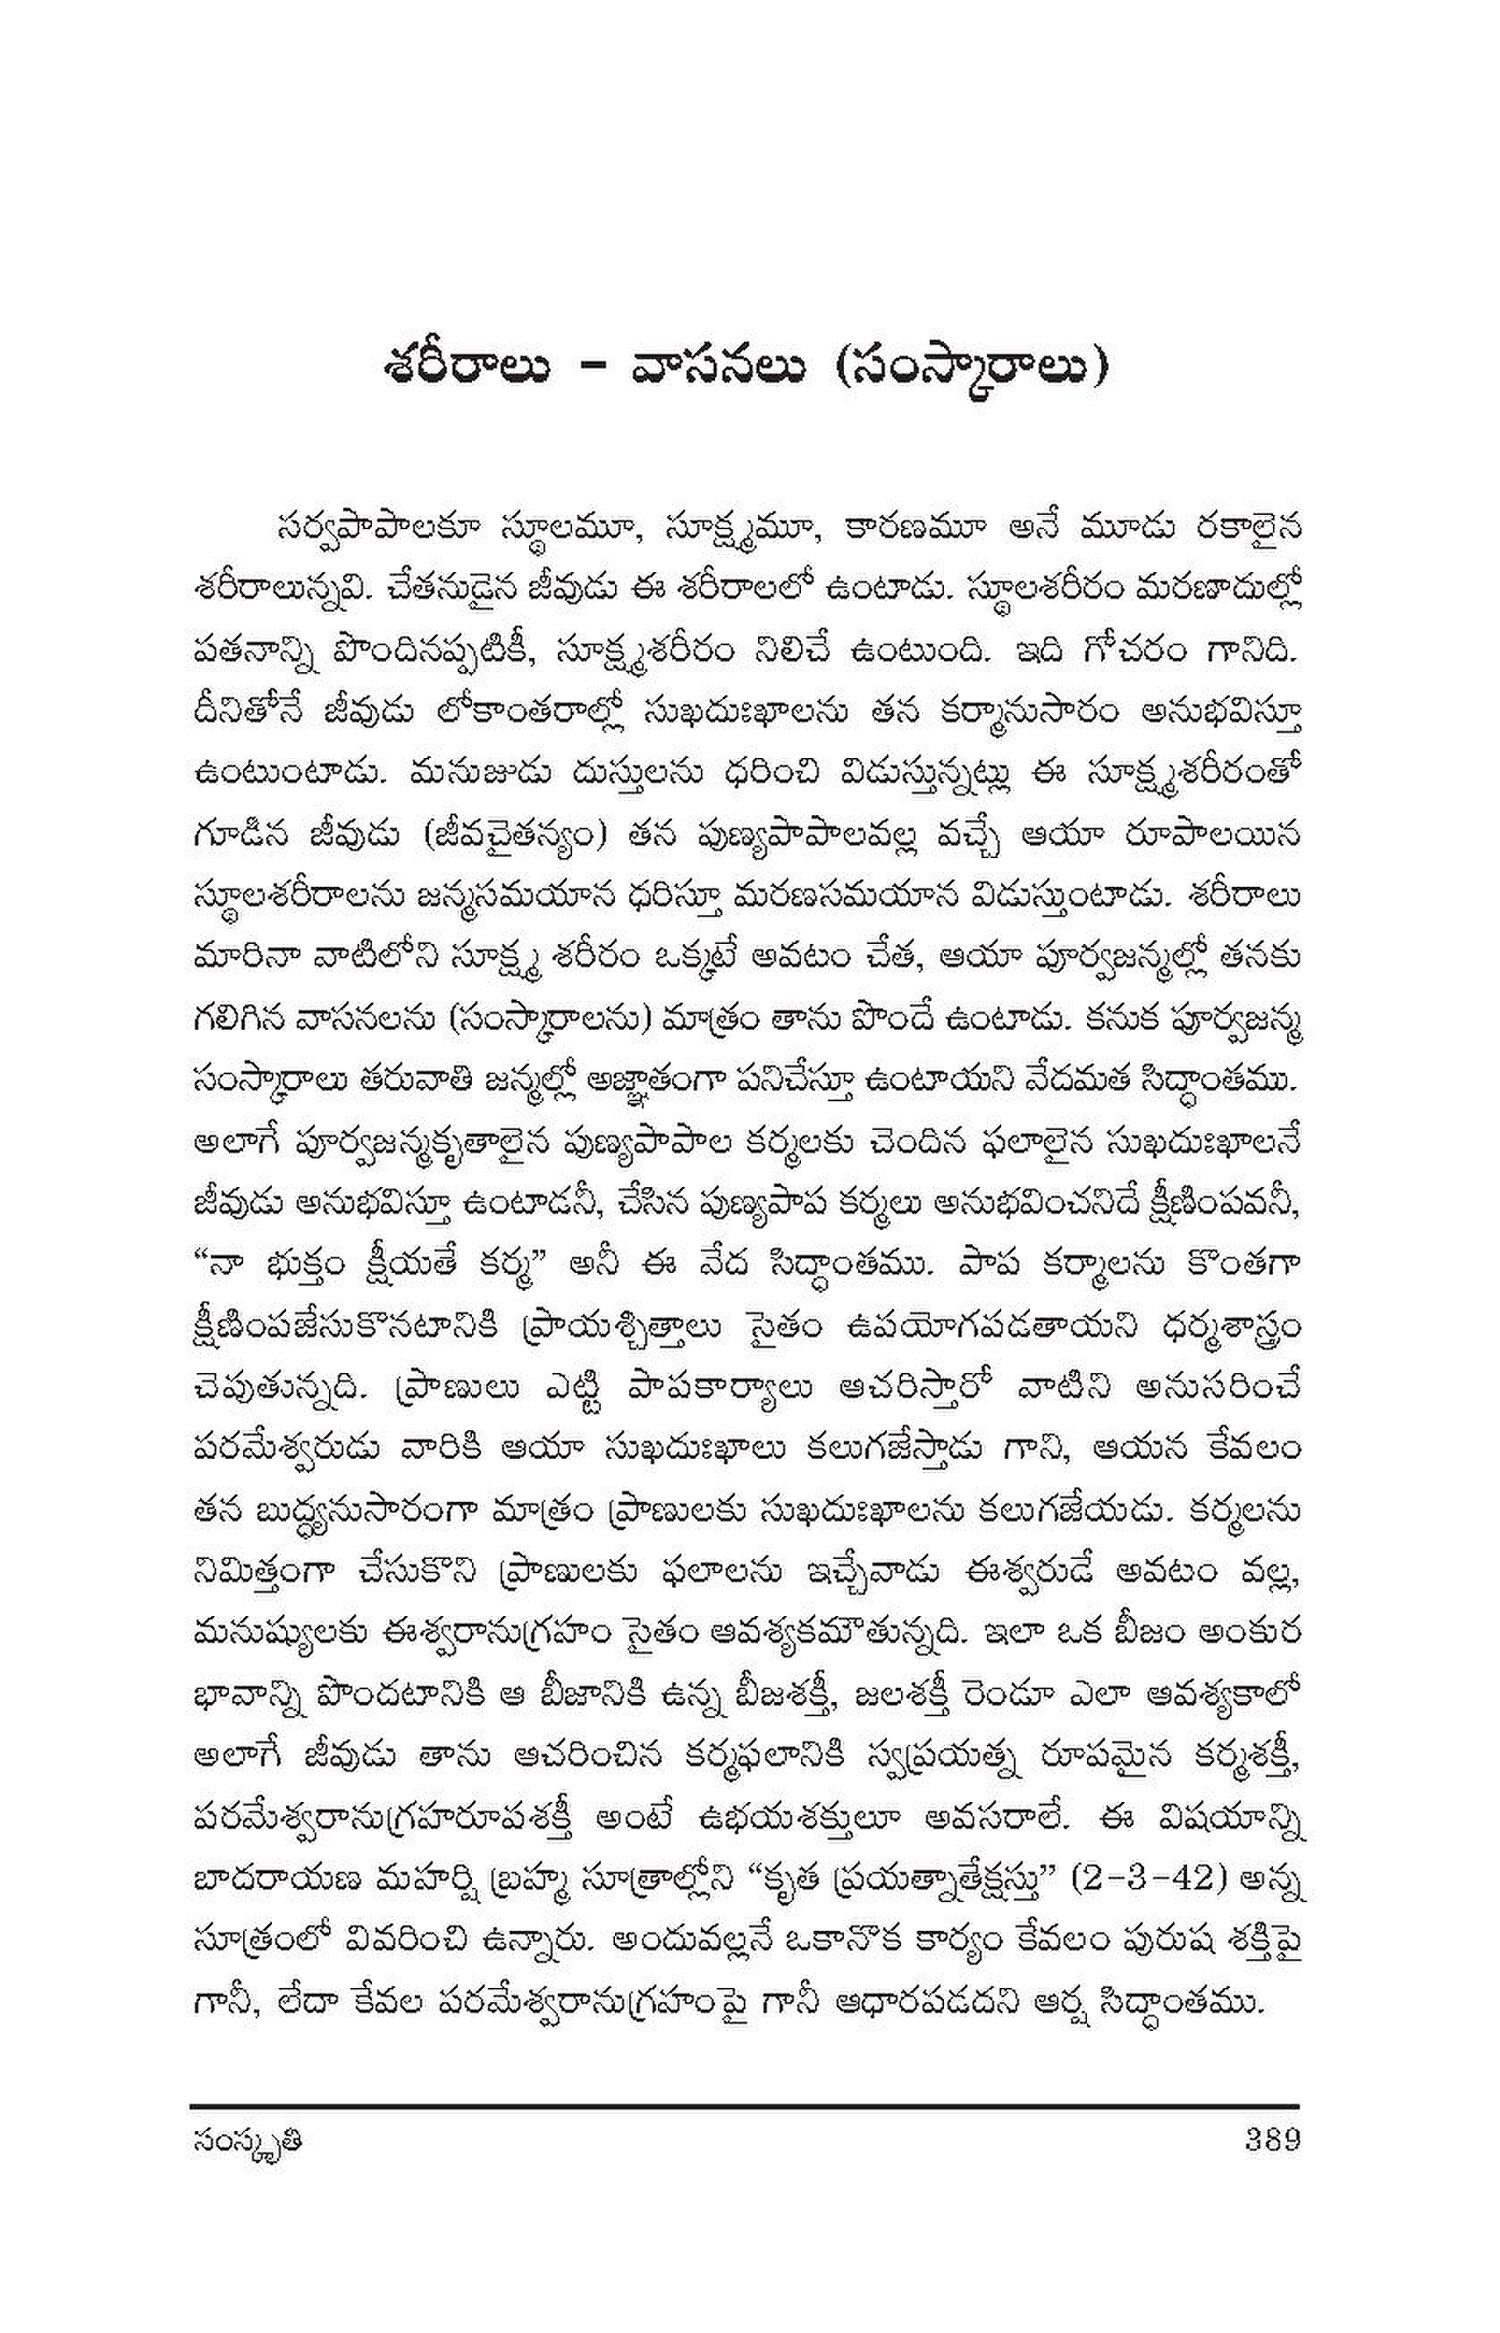సర్వపాపాలకూ స్థూలమూ, సూక్ష్మమూ, కారణమూ అనే మూడు రకాలైన
శరీరాలున్నవి. చేతనుడైన జీవుడు ఈ శరీరాలలో ఉంటాడు. స్థూలశరీరం మరణాదుల్లో
పతనాన్ని పొందినప్పటికీ, సూక్ష్మశరీరం నిలిచే ఉంటుంది. ఇది గోచరం గానిది.
దీనితోనే జీవుడు లోకాంతరాల్లో సుఖదుఃఖాలను తన కర్మానుసారం అనుభవిస్తూ
ఉంటుంటాడు. మనుజుడు దుస్తులను ధరించి విడుస్తున్నట్లు ఈ సూక్ష్మశరీరంతో
గూడిన జీవుడు (జీవచైతన్యం) తన పుణ్యపాపాలవల్ల వచ్చే ఆయా రూపాలయిన
స్థూలశరీరాలను జన్మసమయాన ధరిస్తూ మరణసమయాన విడుస్తుంటాడు. శరీరాలు
మారినా వాటిలోని సూక్ష్మ శరీరం ఒక్కటే అవటం చేత, ఆయా పూర్వజన్మల్లో తనకు
గలిగిన వాసనలను (సంస్కారాలను) మాత్రం తాను పొందే ఉంటాడు. కనుక పూర్వజన్మ
సంస్కారాలు తరువాతి జన్మల్లో అజ్ఞాతంగా పనిచేస్తూ ఉంటాయని వేదమత సిద్ధాంతము.
అలాగే పూర్వజన్మకృతాలైన పుణ్యపాపాల కర్మలకు చెందిన ఫలాలైన సుఖదుఃఖాలనే
జీవుడు అనుభవిస్తూ ఉంటాడనీ, చేసిన పుణ్యపాప కర్మలు అనుభవించనిదే క్షీణింపవనీ,
“నా భుక్తం క్షీయతే కర్మ” అనీ ఈ వేద సిద్ధాంతము. పాప కర్మాలను కొంతగా
క్షీణింపజేసుకొనటానికి ప్రాయశ్చిత్తాలు సైతం ఉపయోగపడతాయని ధర్మశాస్త్రం
చెపుతున్నది. ప్రాణులు ఎట్టి పాపకార్యాలు ఆచరిస్తారో వాటిని అనుసరించే
పరమేశ్వరుడు వారికి ఆయా సుఖదుఃఖాలు కలుగజేస్తాడు గాని, ఆయన కేవలం
తన బుద్ధ్యనుసారంగా మాత్రం ప్రాణులకు సుఖదుఃఖాలను కలుగజేయడు. కర్మలను
నిమిత్తంగా చేసుకొని ప్రాణులకు ఫలాలను ఇచ్చేవాడు ఈశ్వరుడే అవటం వల్ల,
మనుష్యులకు ఈశ్వరానుగ్రహం సైతం ఆవశ్యకమౌతున్నది. ఇలా ఒక బీజం అంకుర
భావాన్ని పొందటానికి ఆ బీజానికి ఉన్న బీజశక్తి, జలశక్తీ రెండూ ఎలా ఆవశ్యకాలో
అలాగే జీవుడు తాను ఆచరించిన కర్మఫలానికి స్వప్రయత్న రూపమైన కర్మశక్తీ,
పరమేశ్వరానుగ్రహరూపశక్తీ అంటే ఉభయశక్తులూ అవసరాలే. ఈ విషయాన్ని
బాదరాయణ మహర్షి బ్రహ్మ సూత్రాల్లోని "కృత ప్రయత్నా తేక్షస్తు" (2-3-42) అన్న
సూత్రంలో వివరించి ఉన్నారు. అందువల్లనే ఒకానొక కార్యం కేవలం పురుష శక్తిపై
గానీ, లేదా కేవల పరమేశ్వరానుగ్రహంపై గానీ ఆధారపడదని ఆర్ష సిద్ధాంతము.